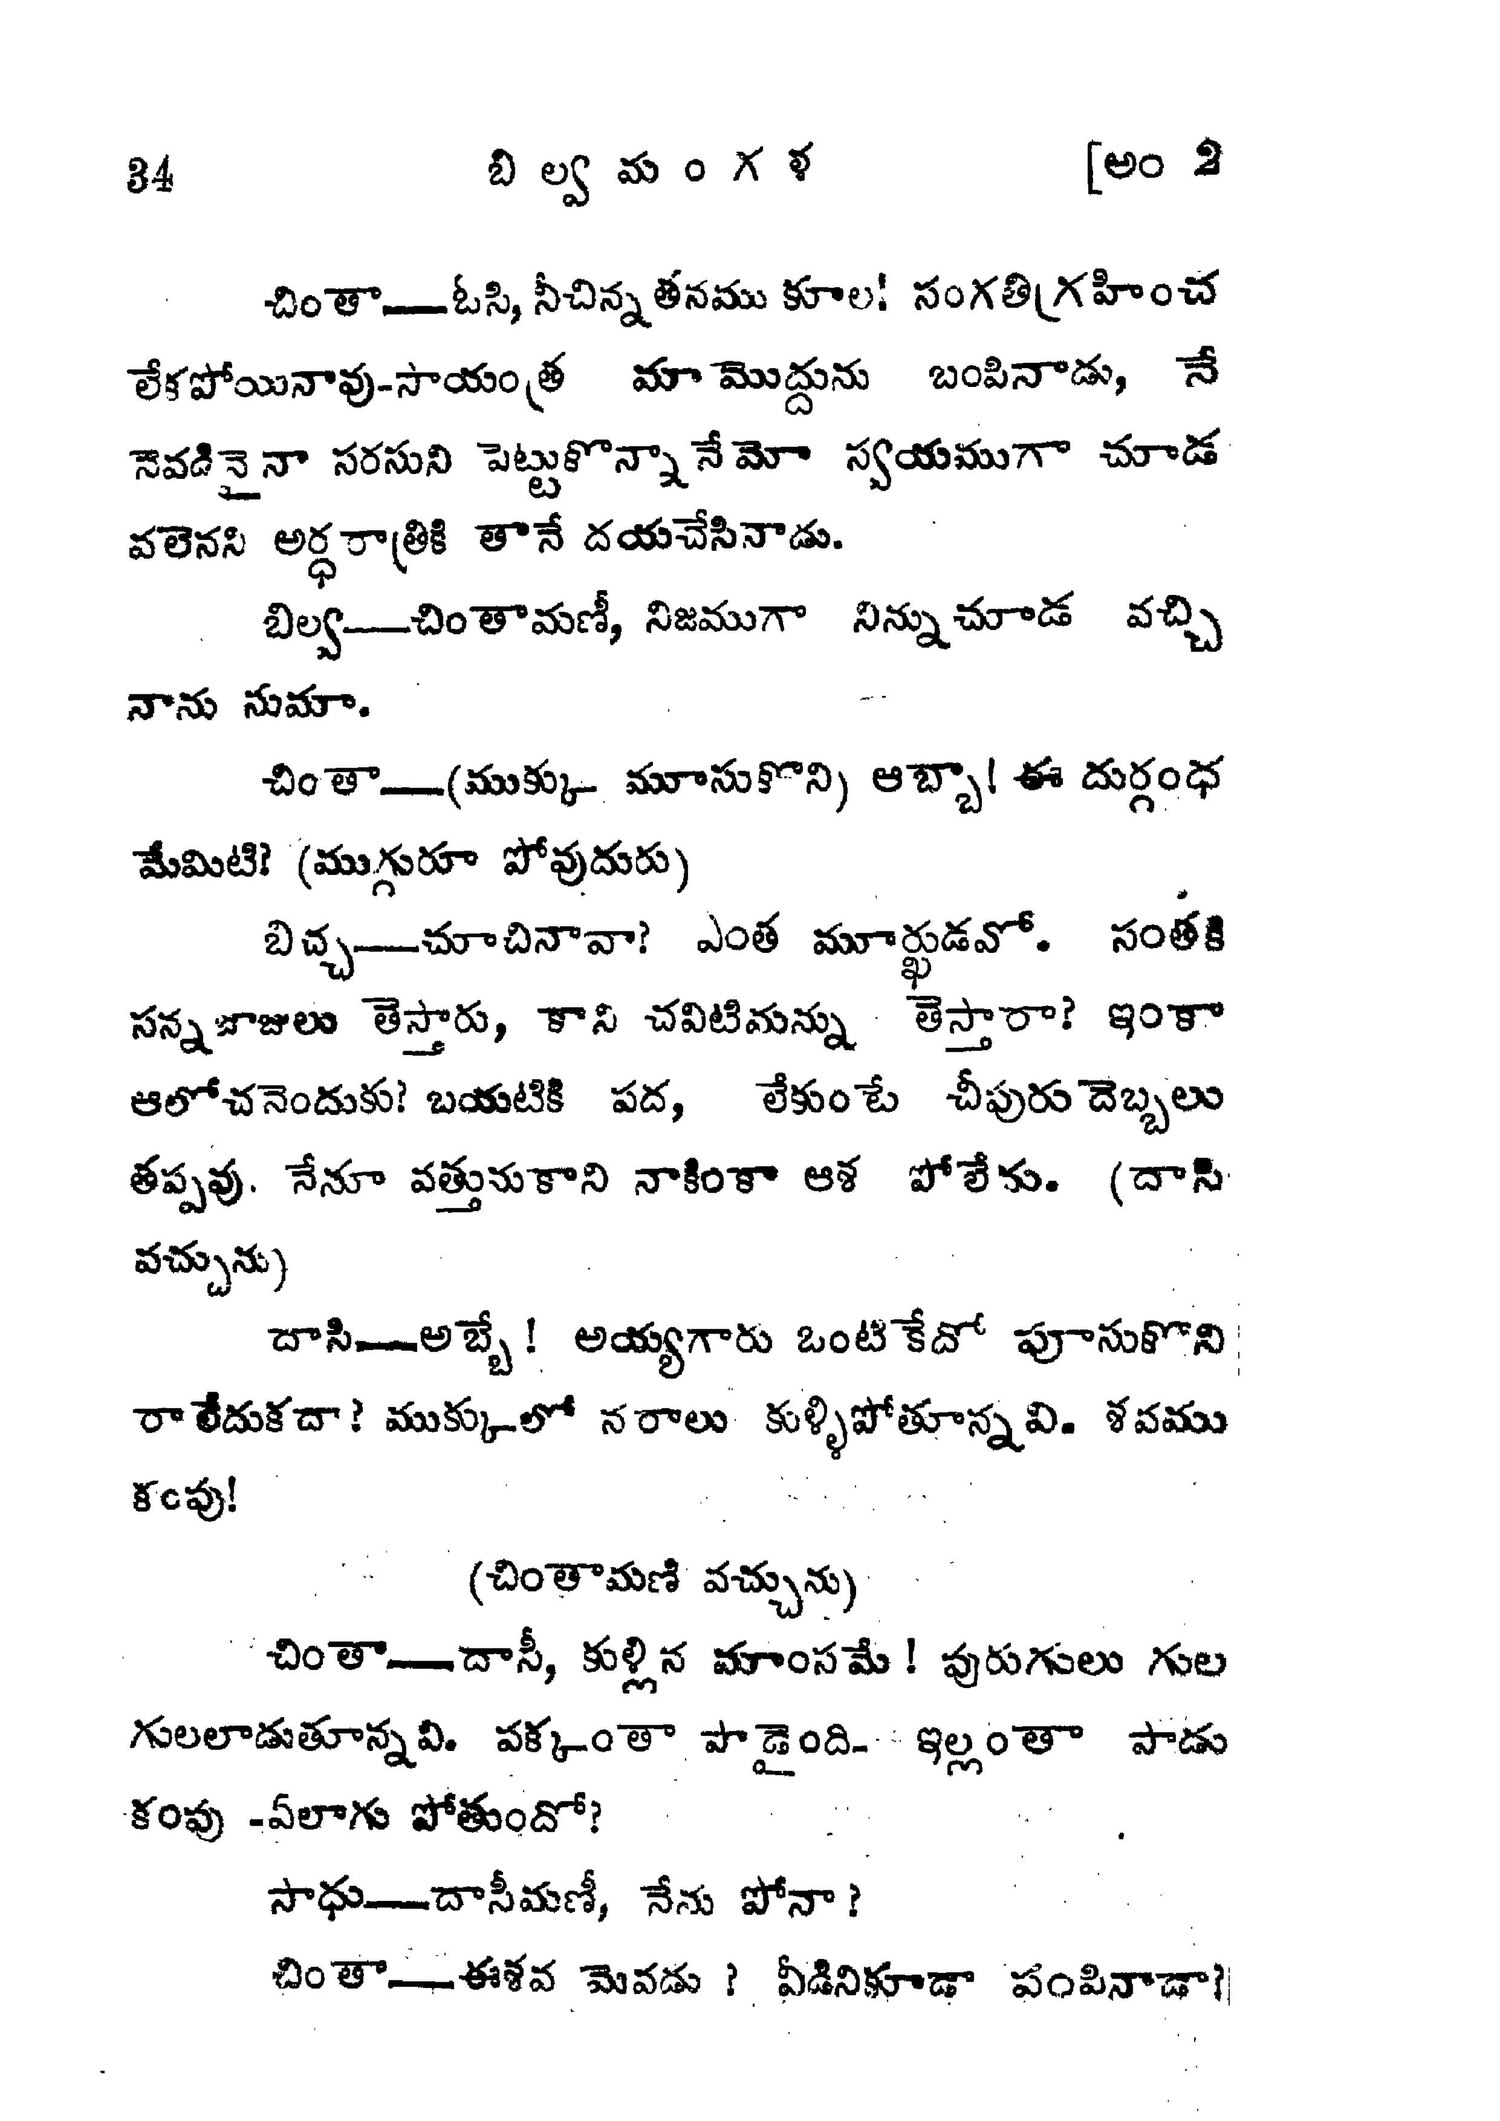చింతా - ఓసి, నీచిన్నతనము కూల! సంగతిగ్రహించ లేకపోయినావు-సాయంత్ర మా మొద్దును బంపినాడు, నే నెవడినైనా సరసుని పెట్టుకొన్నానేమో స్వయముగా చూడవలెనని అర్ధరాత్రికి తానే దయచేసినాడు.

బిల్వ - చింతామణీ, నిజముగా నిన్నుచూడ వచ్చినాను సుమా.

చింతా - (ముక్కు మూసుకొని) అబ్బా! ఈ దుర్గంధ మేమిటి? (ముగ్గురూ పోవుదురు)

బిచ్చ - చూచినావా? ఎంత మూర్ఖుడవో. సంతకి సన్నజాజులు తెస్తారు, కాని చవిటిమన్ను తెస్తారా? ఇంకా ఆలోచనెందుకు? బయటికి పద, లేకుంటే చీపురుదెబ్బలు తప్పవు. నేనూ వత్తునుకాని నాకింకా ఆశ పోలేదు. (దాసి వచ్చును)

దాసి - అబ్బే! అయ్యగారు ఒంటికేదో పూసుకొని రాలేదుకదా? ముక్కులో నరాలు కుళ్ళిపోతూన్నవి. శవము కంపు!

చింతా - దాసీ, కుళ్ళిన మాంసమే! పురుగులు గులగులలాడుతూన్నవి. పక్కంతా పాడైంది. ఇల్లంతా పాడు కంపు - ఏలాగు పోతుందో?

సాధు - దాసీమణీ, నేను పోనా?

చింతా _ ఈశవ మెవడు ? వీడినికూడా పంపినాడా?